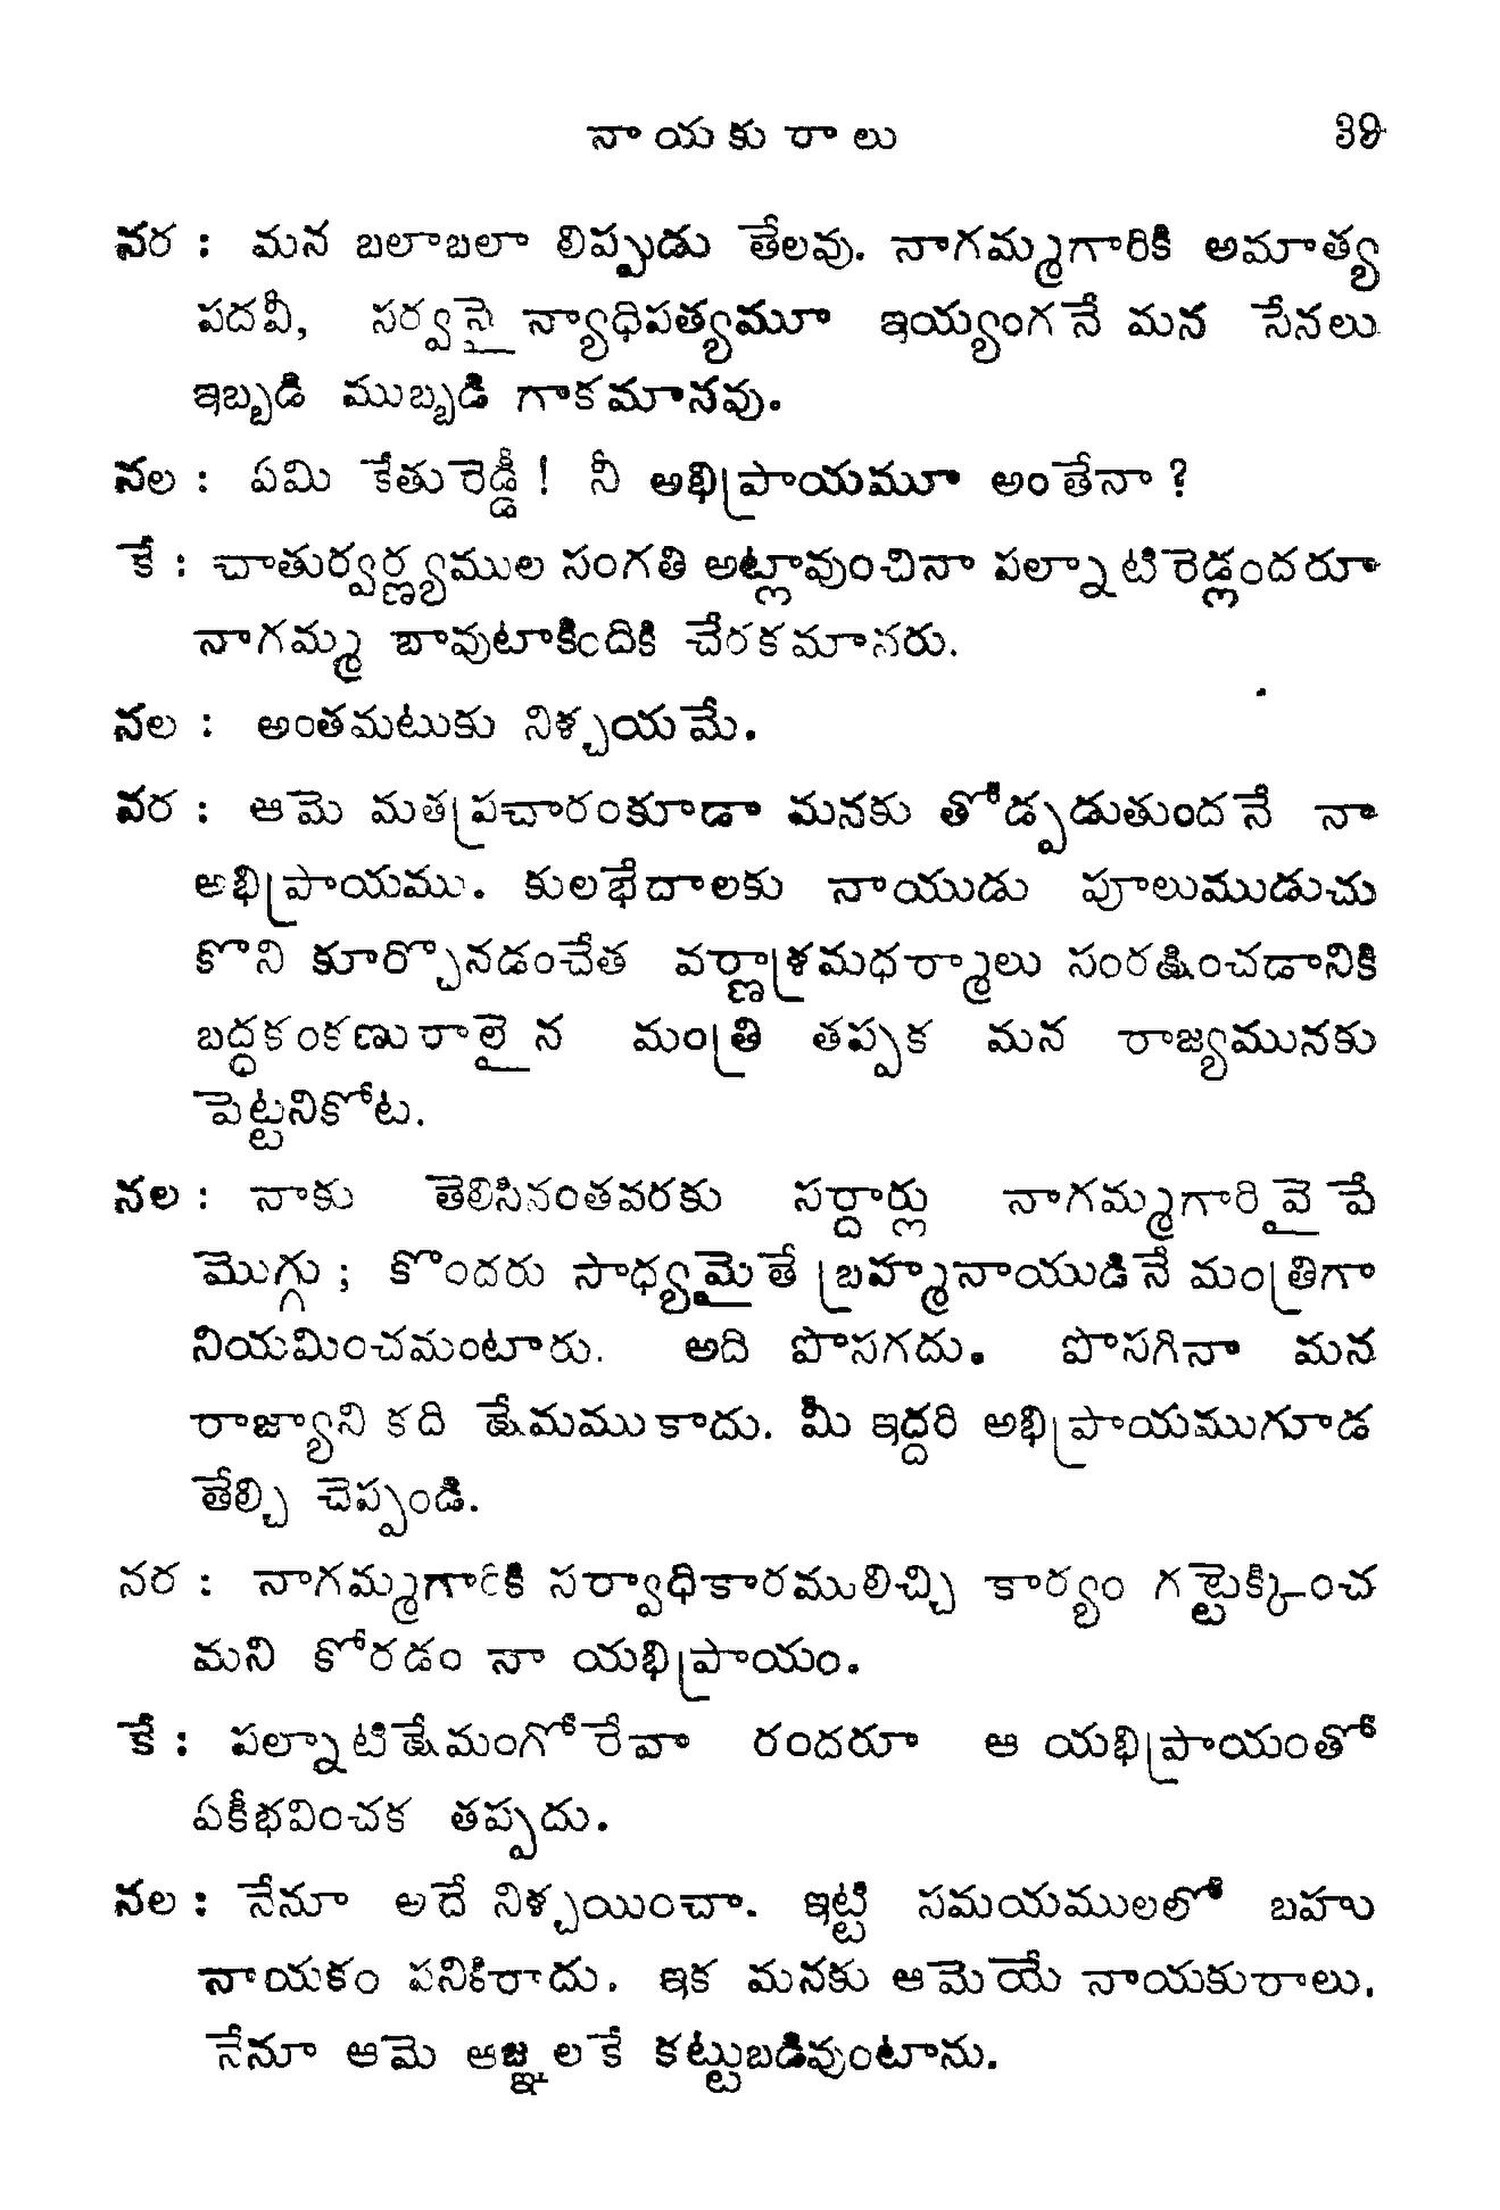నర : మన బలాబలా లిప్పుడు తేలవు. నాగమ్మగారికి అమాత్య పదవీ, సర్వసైన్యాధిపత్యమూ ఇయ్యంగనే మన సేనలు ఇబ్బడి ముబ్బడి గాకమానవు.

నల : ఏమి కేతురెడ్డీ ! నీ అభిప్రాయమూ అంతేనా ?

కే : చాతుర్వర్ణ్యముల సంగతి అట్లావుంచినా పల్నాటి రెడ్లందరూ నాగమ్మ బావుటాకిందికి చేరకమానరు.

నల : అంతమటుకు నిశ్చయమే.

నర : ఆమె మతప్రచారంకూడా మనకు తోడ్పడుతుందనే నా అభిప్రాయము. కులభేదాలకు నాయుడు పూలుముడుచుకొని కూర్చొనడంచేత వర్ణాశ్రమధర్మాలు సంరక్షించడానికి బద్ధకంకణురాలైన మంత్రి తప్పక మన రాజ్యమునకు పెట్టనికోట.

నల: నాకు తెలిసినంతవరకు సర్దార్లు నాగమ్మగారివైపే మొగ్గు ; కొందరు సాధ్యమైతే బ్రహ్మనాయుడినే మంత్రిగా నియమించమంటారు. అది పొసగదు. పొసగినా మన రాజ్యాని కది క్షేమముకాదు. మీ ఇద్దరి అభిప్రాయముగూడ తేల్చి చెప్పండి.

నర : నాగమ్మగారికి సర్వాధికారములిచ్చి కార్యం గట్టెక్కించమని కోరడం నా యభిప్రాయం.

కే : పల్నాటిక్షేమంగోరేవా రందరూ ఆ యభిప్రాయంతో ఏకీభవించక తప్పదు.

నల : నేనూ అదే నిశ్చయించా. ఇట్టి సమయములలో బహునాయకం పనికిరాదు. ఇక మనకు ఆమెయే నాయకురాలు. నేనూ ఆమె ఆజ్ఞలకే కట్టుబడివుంటాను.